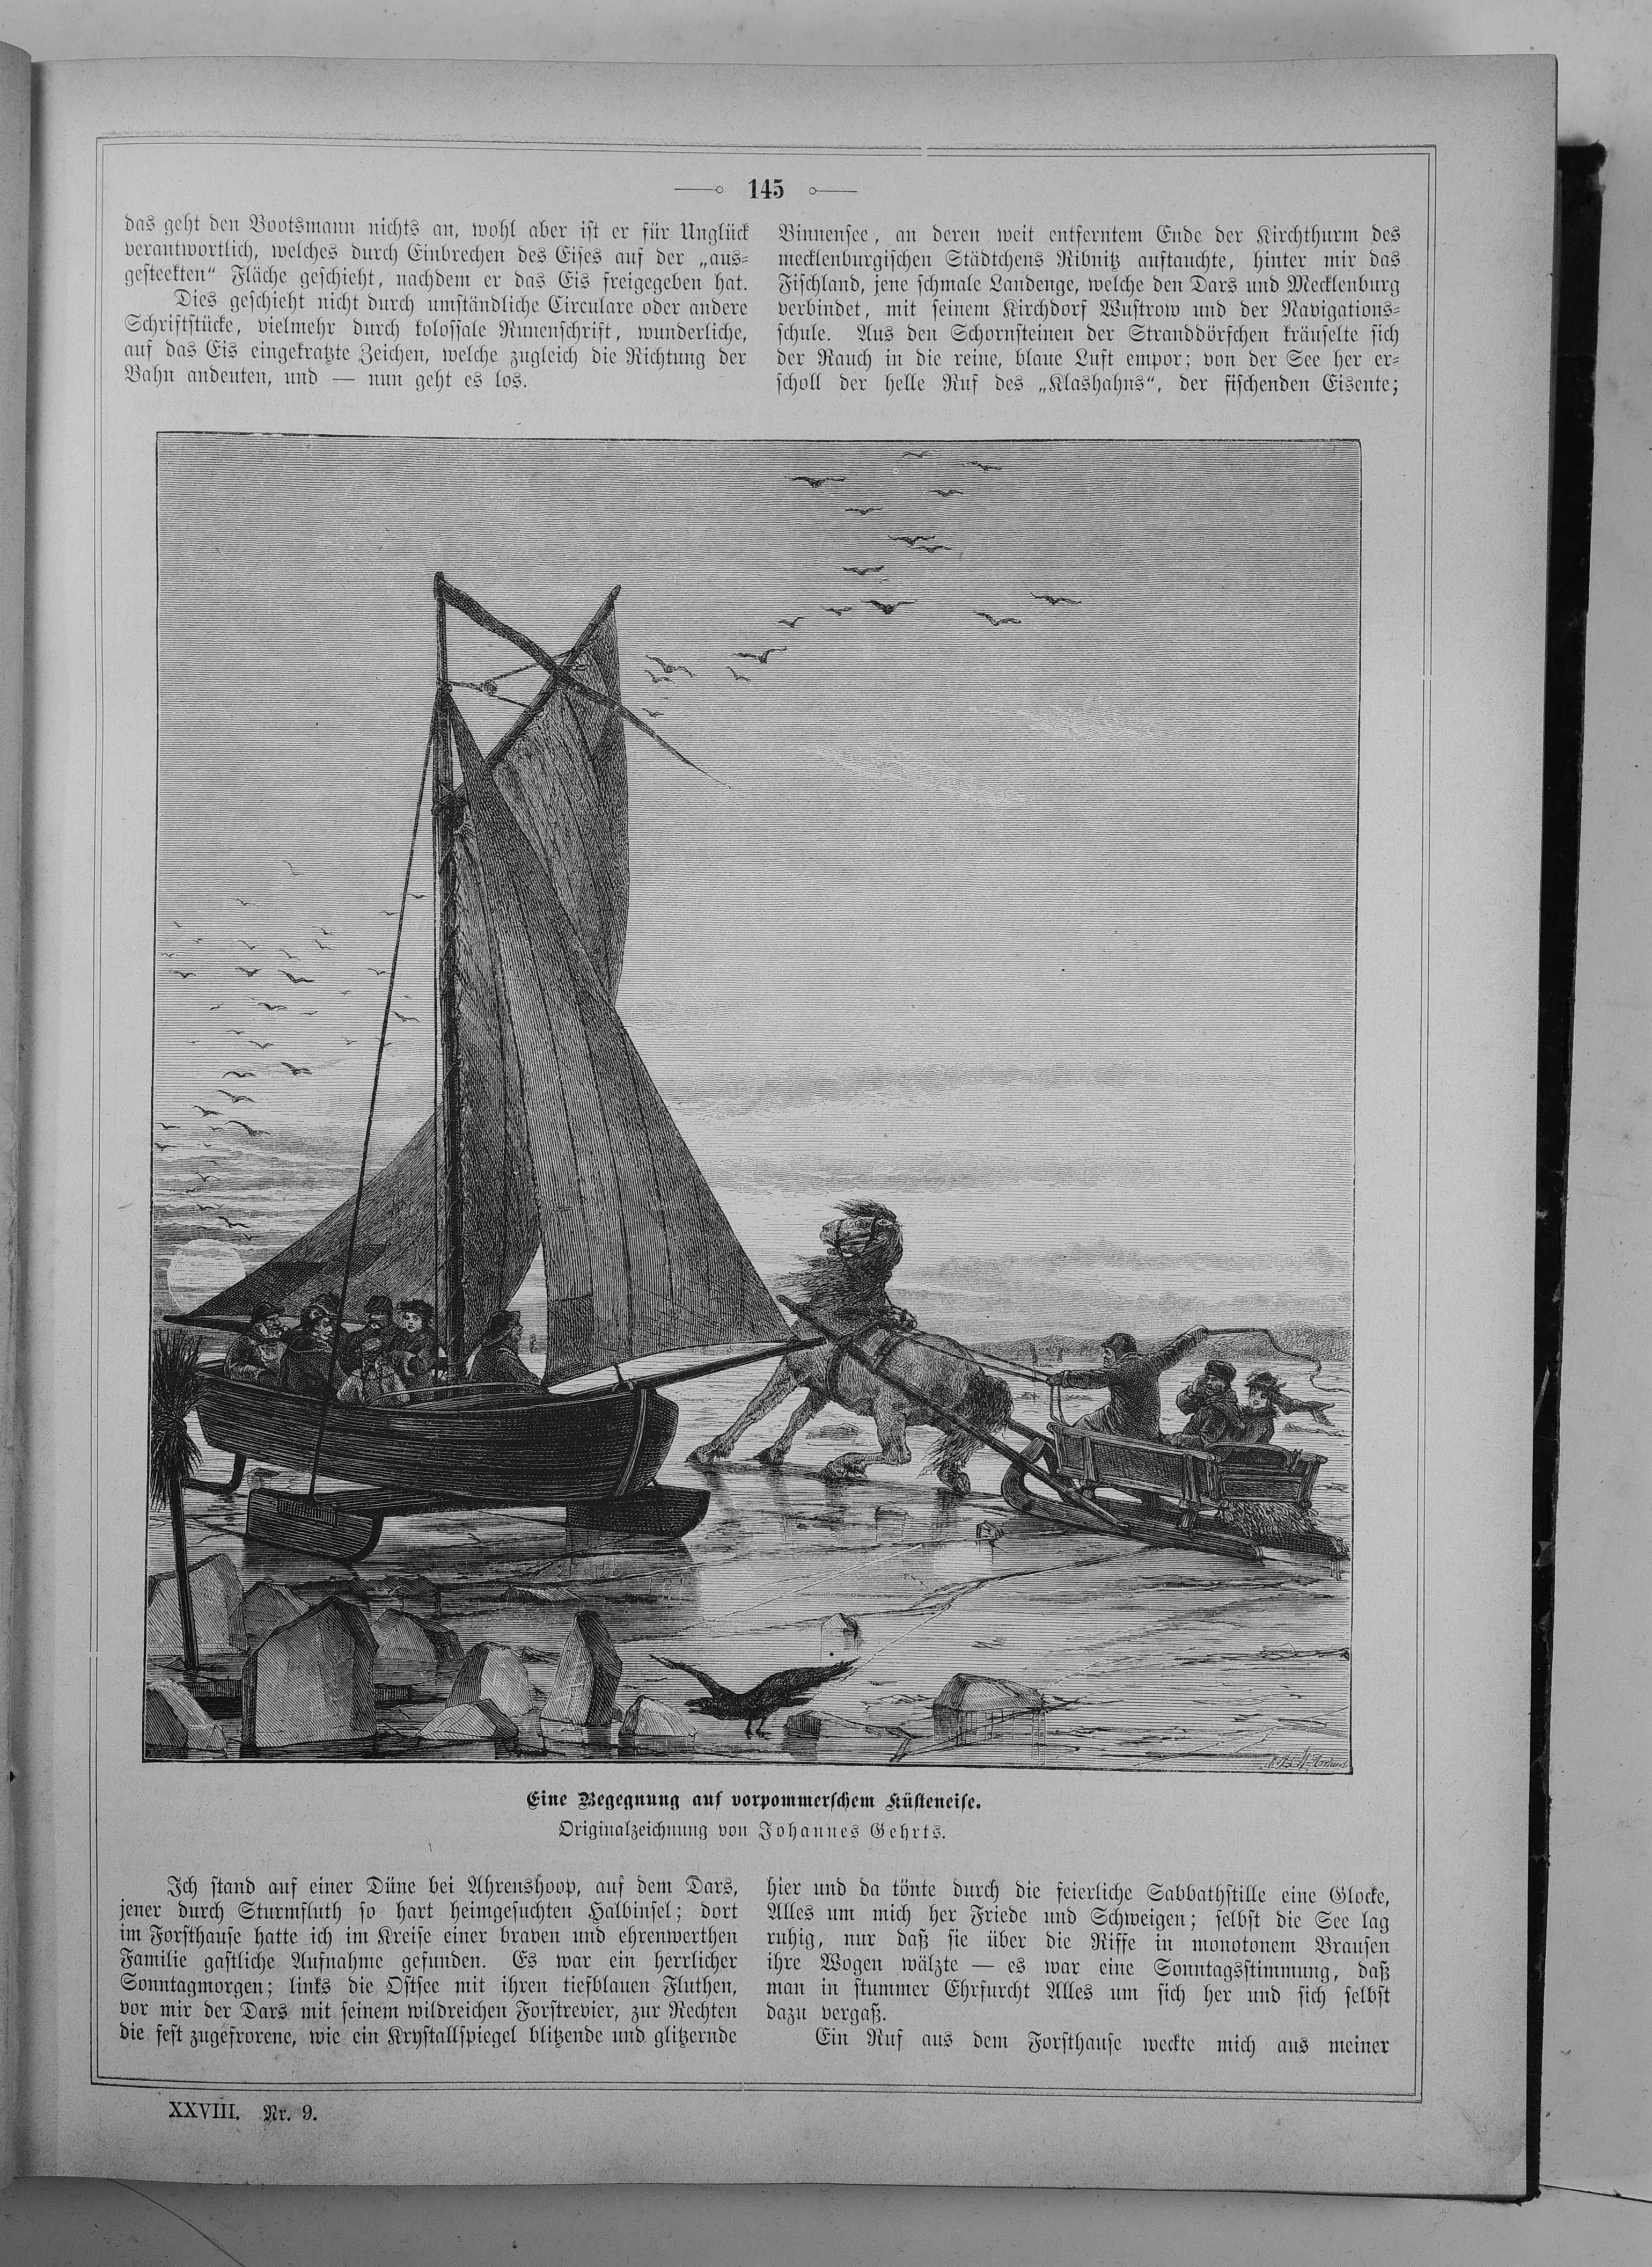das geht den Bootsmann nichts an, wohl aber ist er für Unglück verantwortlich, welches durch Einbrechen des Eises auf der „ausgesteekten“ Fläche geschieht, nachdem er das Eis freigegeben hat.

Dies geschieht nicht durch umständliche Circulare oder andere Schriftstücke, vielmehr durch kolossale Runenschrift, wunderliche, auf das Eis eingekratzte Zeichen, welche zugleich die Richtung der Bahn andeuten, und – nun geht es los.

Eine Begegnung auf vorpommerschem Küsteneise.
Originalzeichnung von Johannes Gehrts.

Ich stand auf einer Düne bei Ahrenshoop, auf dem Dars, jener durch Sturmfluth so hart heimgesuchten Halbinsel; dort im Forsthause hatte ich im Kreise einer braven und ehrenwerthen Familie gastliche Aufnahme gefunden. Es war ein herrlicher Sonntagmorgen; links die Ostsee mit ihren tiefblauen Fluthen, vor mir der Dars mit seinem wildreichen Forstrevier, zur Rechten die fest zugefrorene, wie ein Krystallspiegel blitzende und glitzernde Binnensee, an deren weit entferntem Ende der Kirchthurm des mecklenburgischen Städtchens Ribnitz auftauchte, hinter mir das Fischland, jene schmale Landenge, welche den Dars und Mecklenburg verbindet, mit seinem Kirchdorf Wustrow und der Navigationsschule. Aus den Schornsteinen der Stranddörfchen kräuselte sich der Rauch in die reine, blaue Luft empor; von der See her erscholl der helle Ruf des „Klashahns“, der fischenden Eisente; hier und da tönte durch die feierliche Sabbathstille eine Glocke, Alles um mich her Friede und Schweigen; selbst die See lag ruhig, nur daß sie über die Riffe in monotonem Brausen ihre Wogen wälzte – es war eine Sonntagsstimmung, daß man in stummer Ehrfurcht Alles um sich her und sich selbst dazu vergaß.

Ein Ruf aus dem Forsthause weckte mich aus meiner
